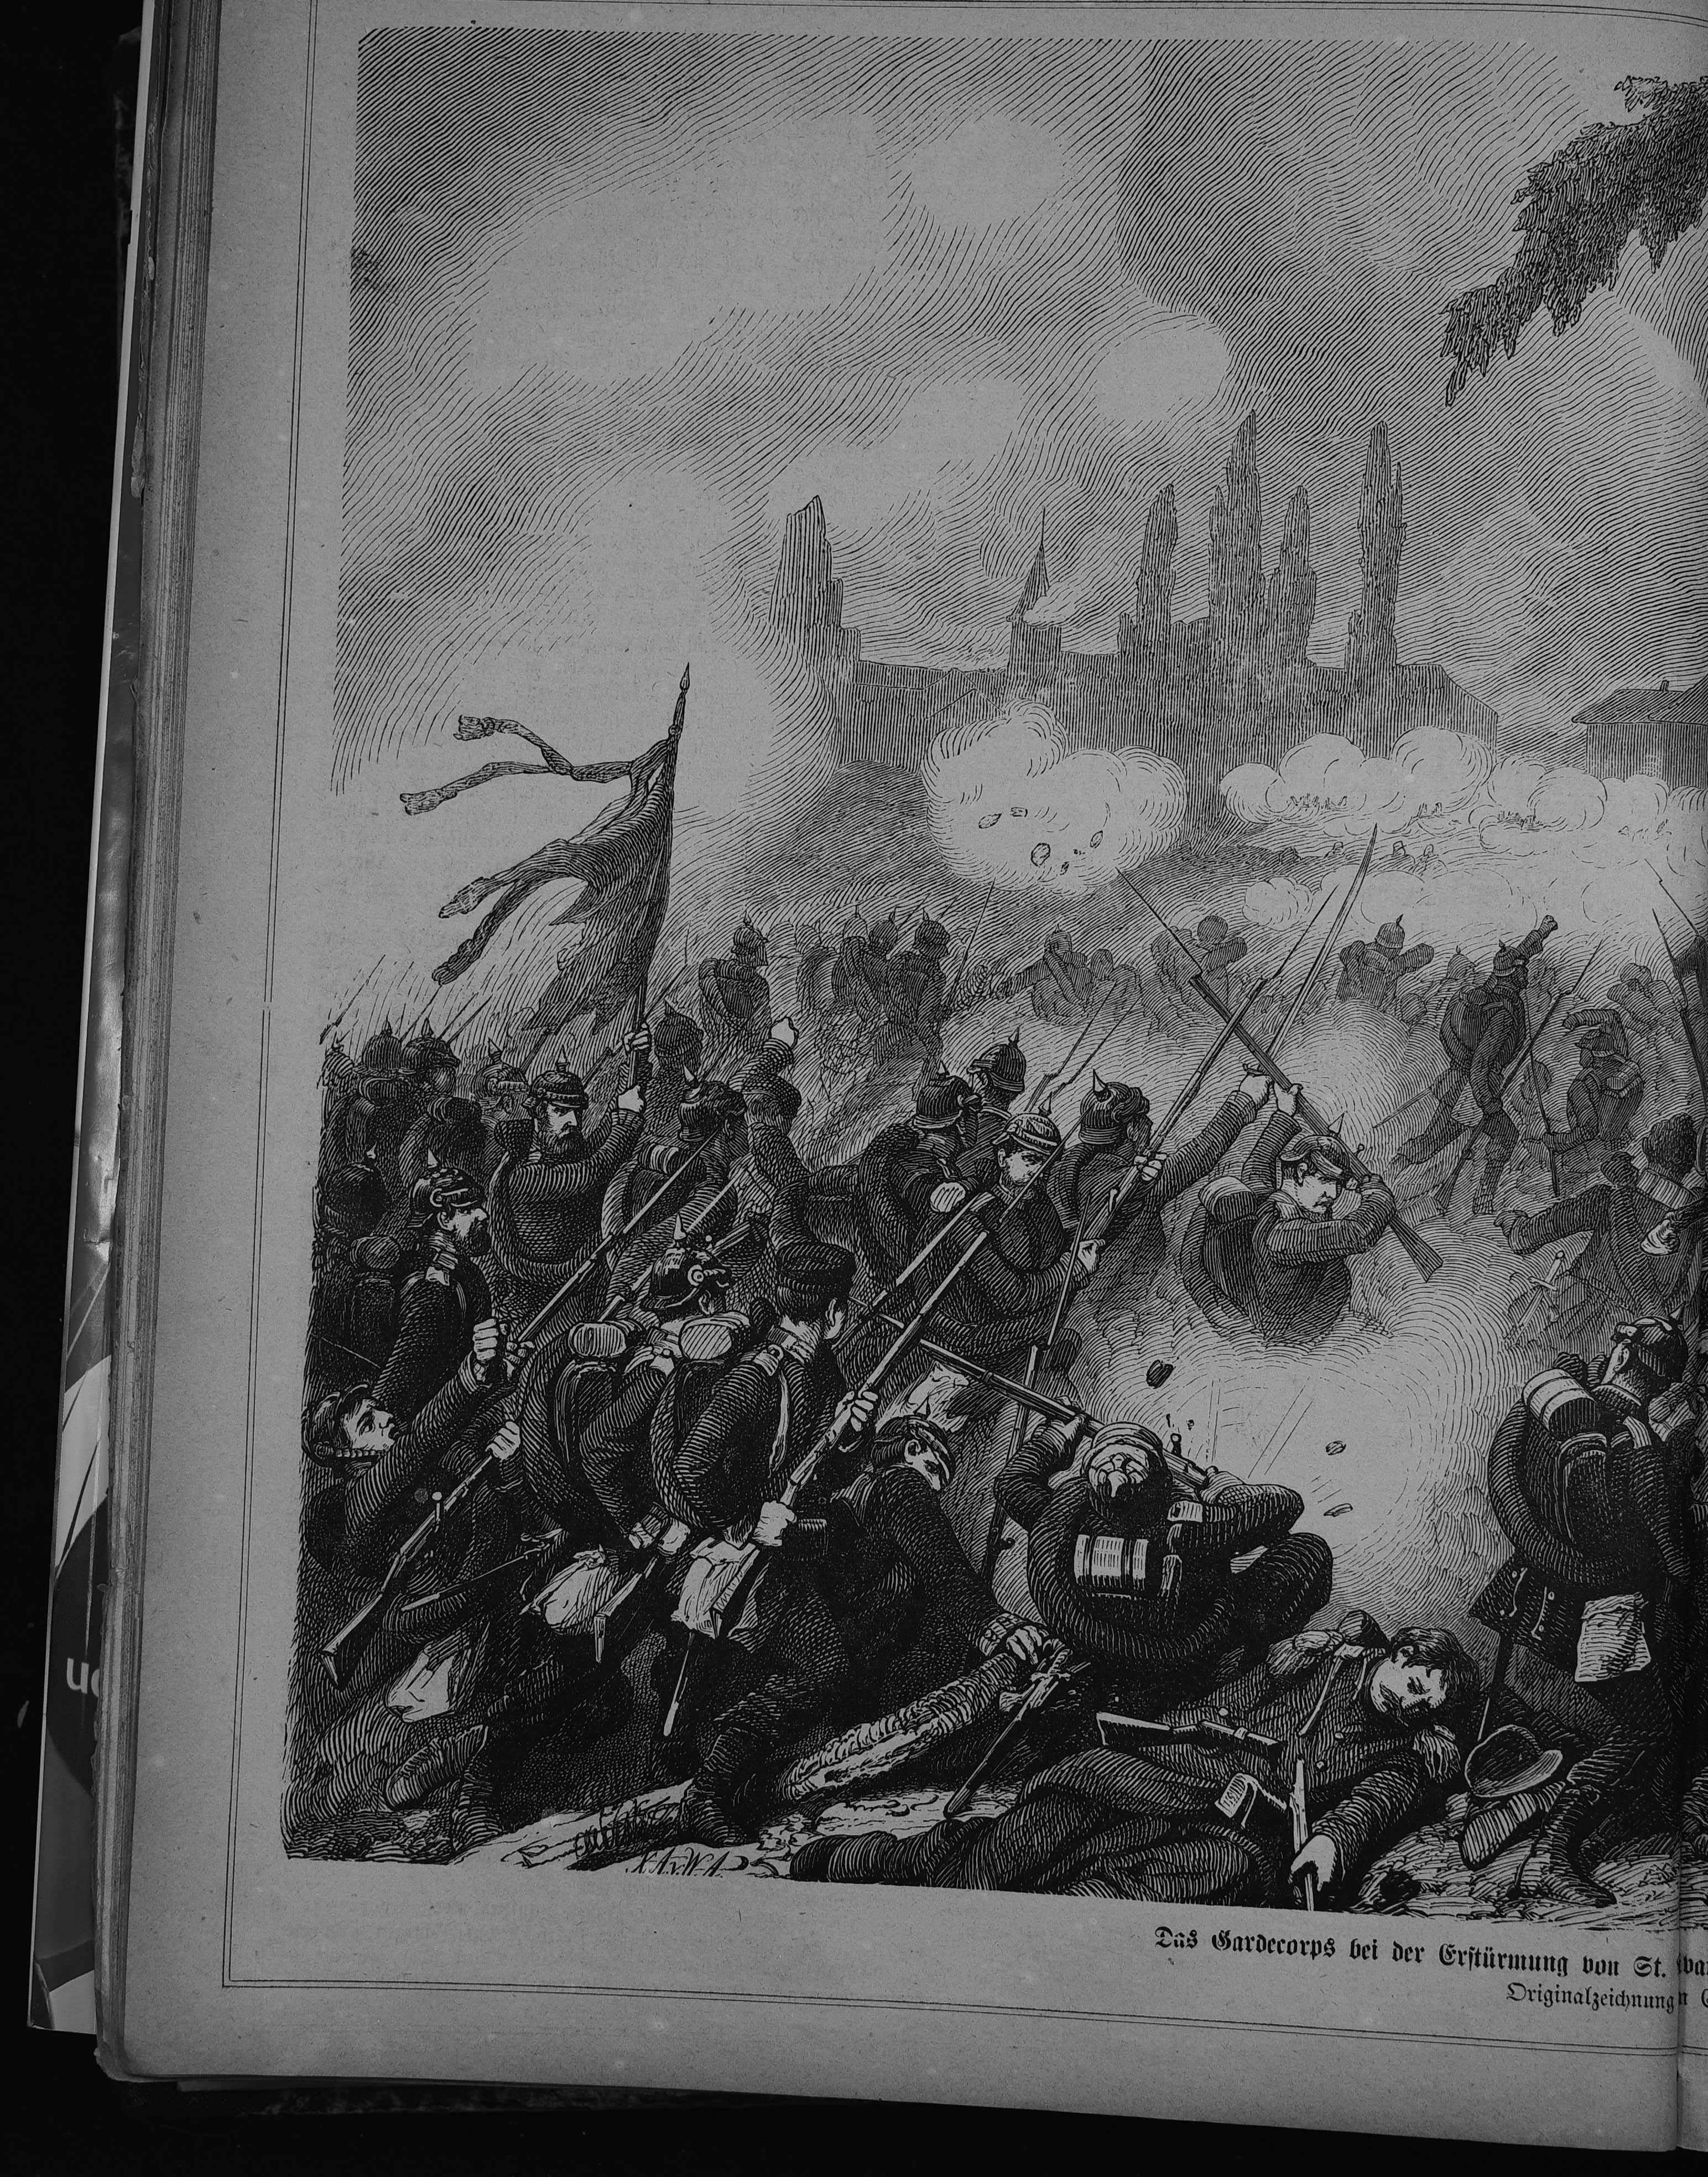Das Gardecops bei der Erstürmung von St. Privat la Montagne in der Schlacht bei Gravelotte.
Originalzeichnung von Christian Sell.
